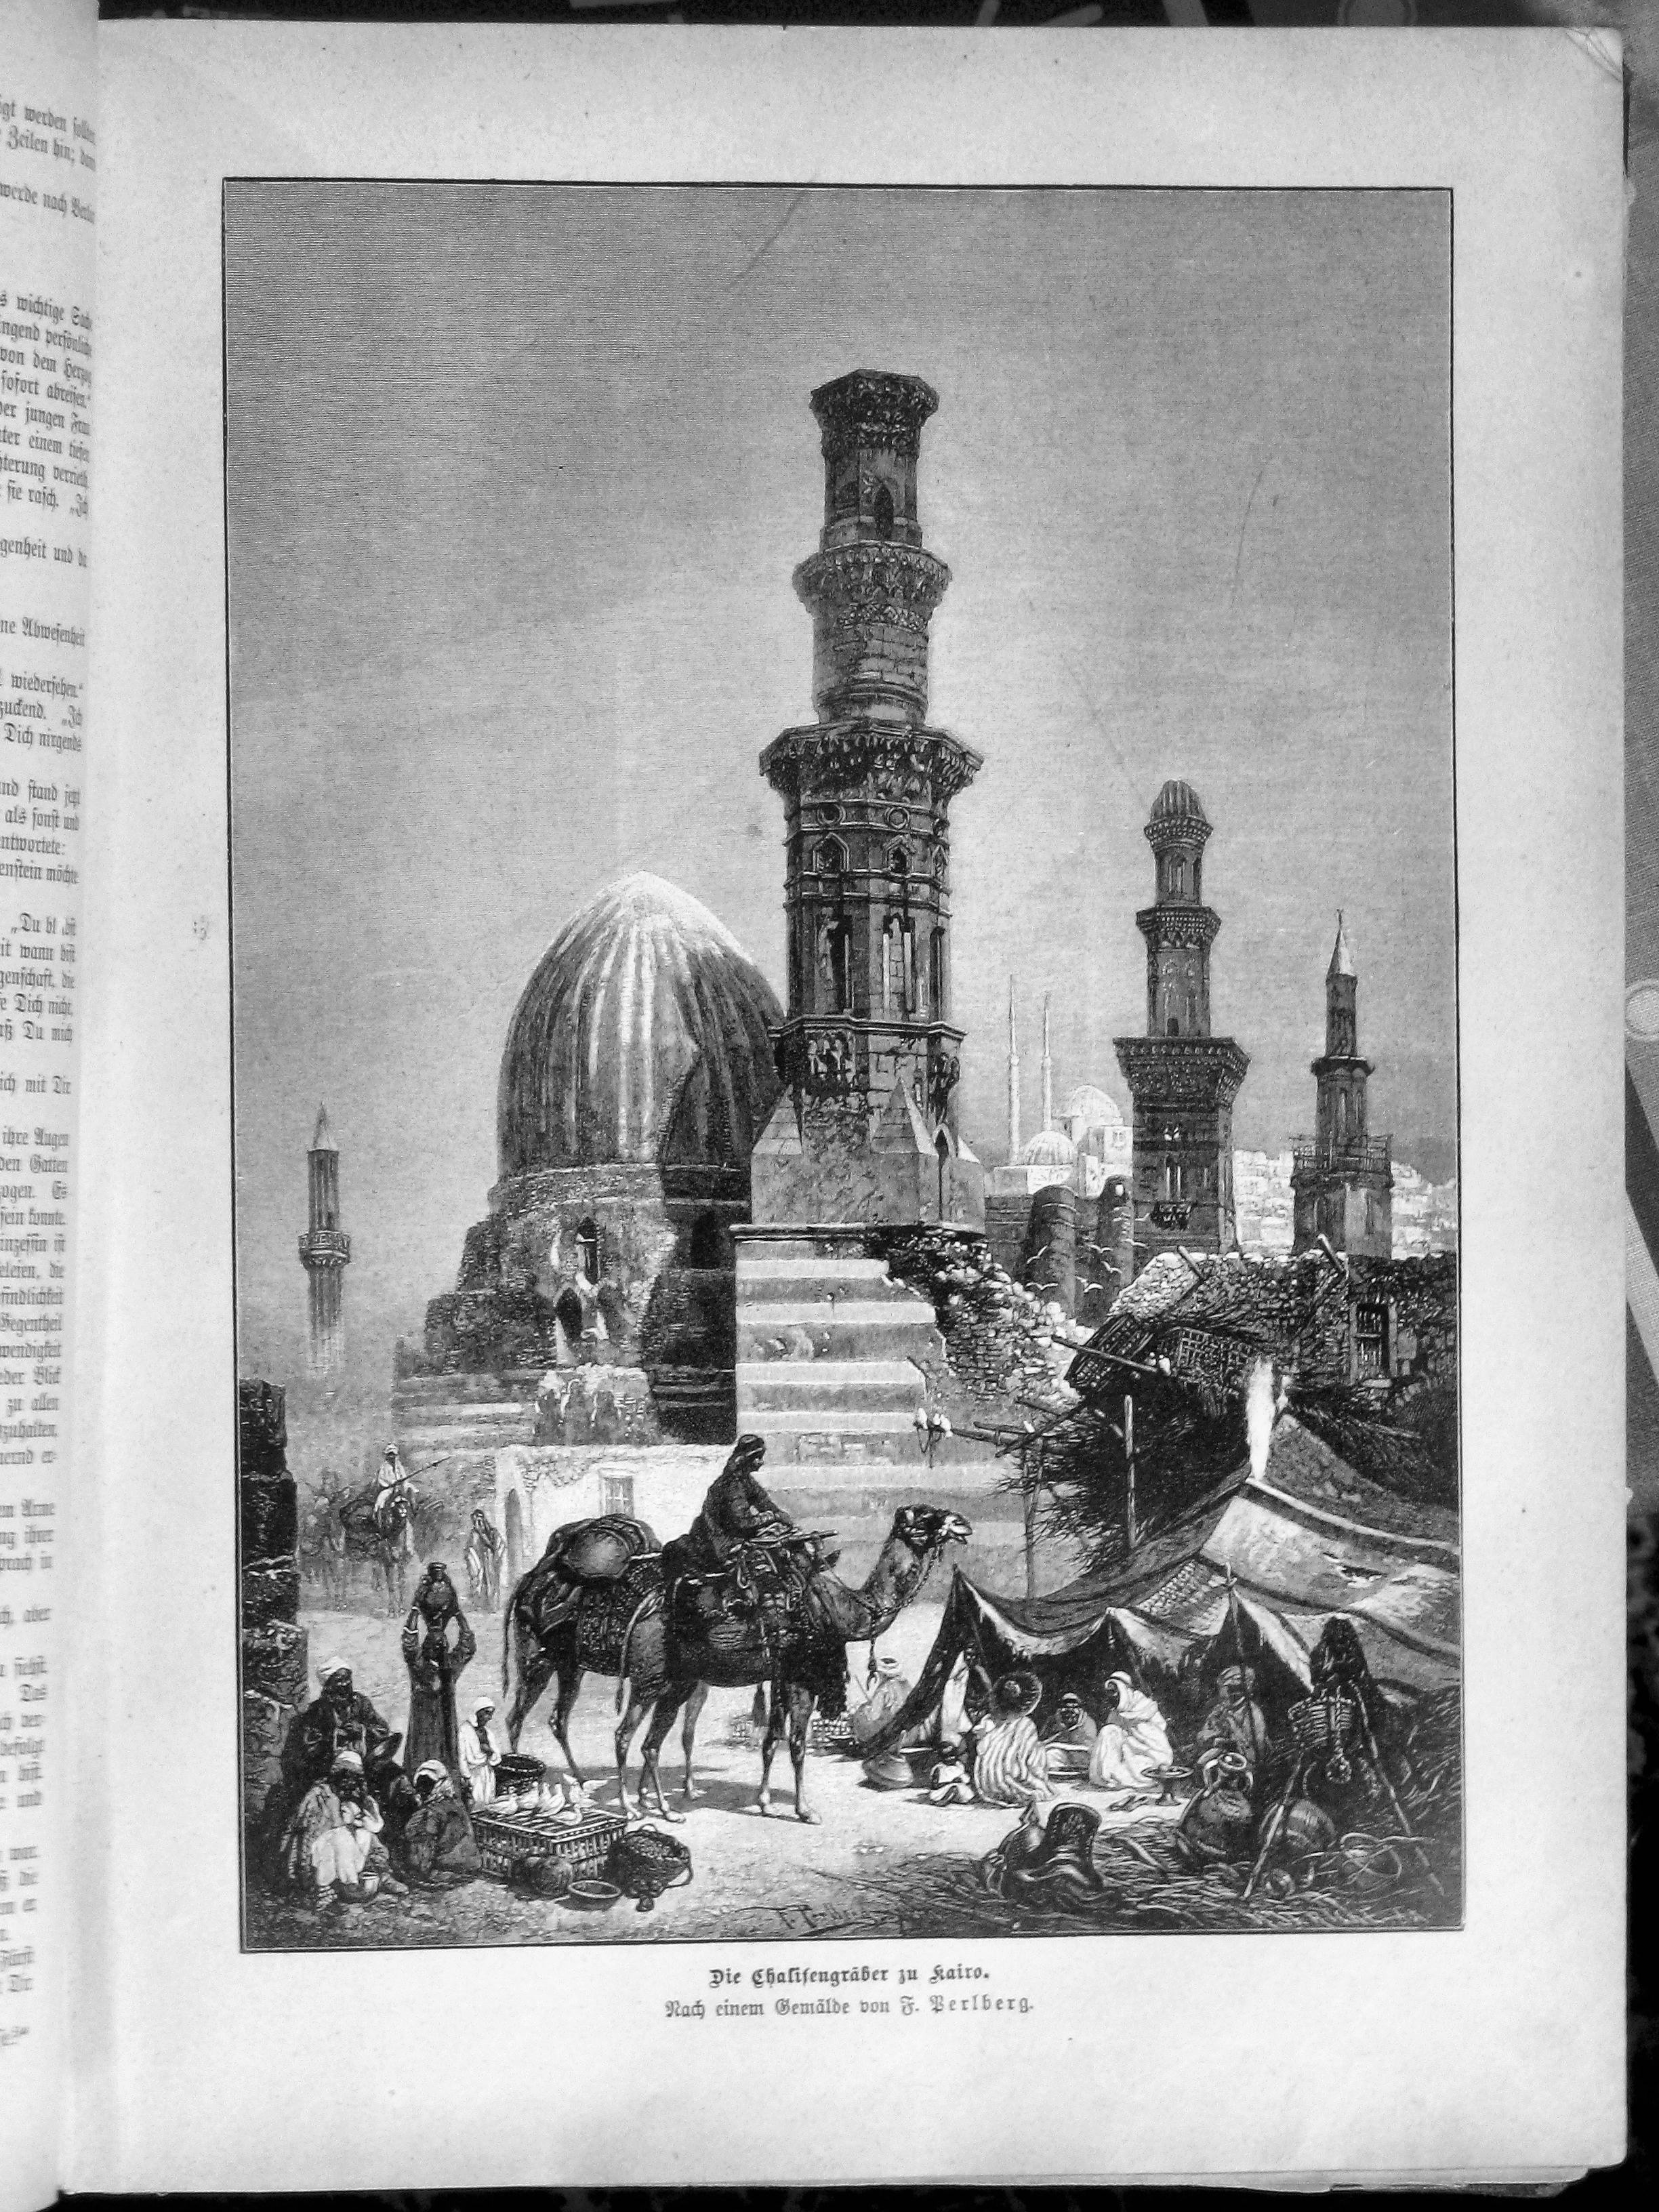Die Chalifengräber zu Kairo.
Nach einem Gemälde von F. Perlberg.
